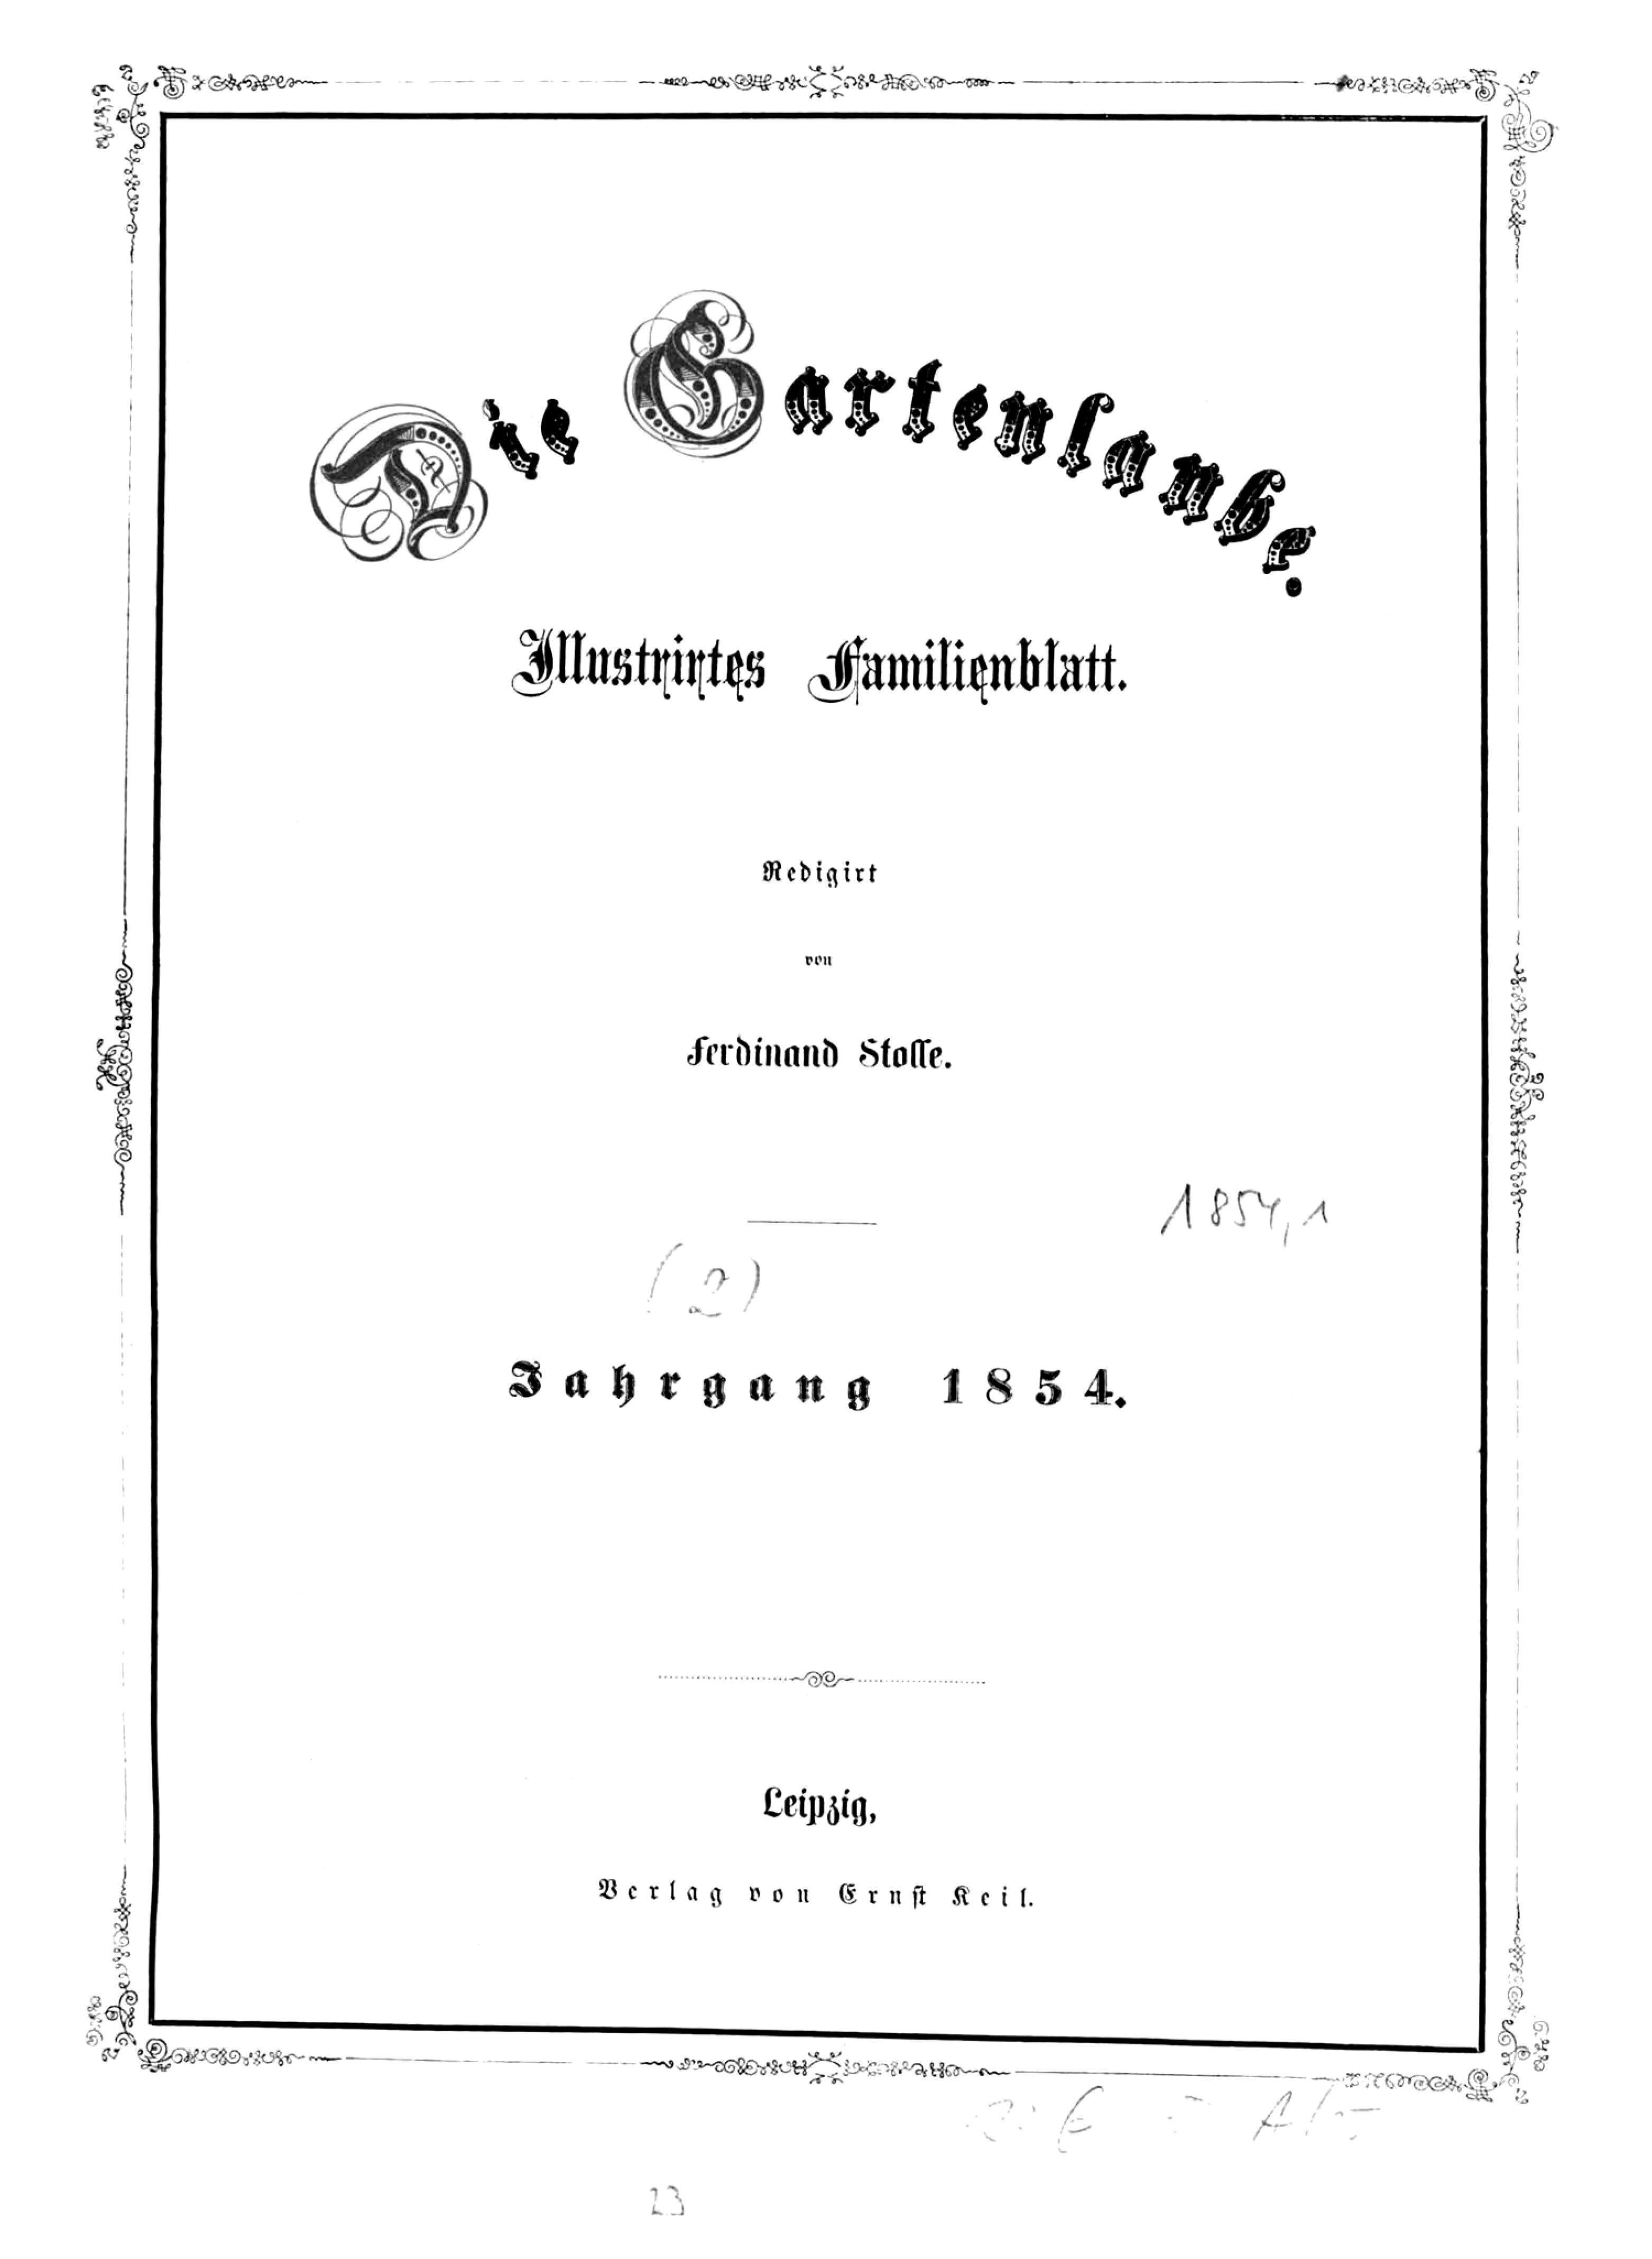Die Gartenlaube.

Illustrirtes Familienblatt.

Redigirt

von

Ferdinand Stolle.

Jahrgang 1854.

Leipzig,

Verlag von Ernst Keil.
